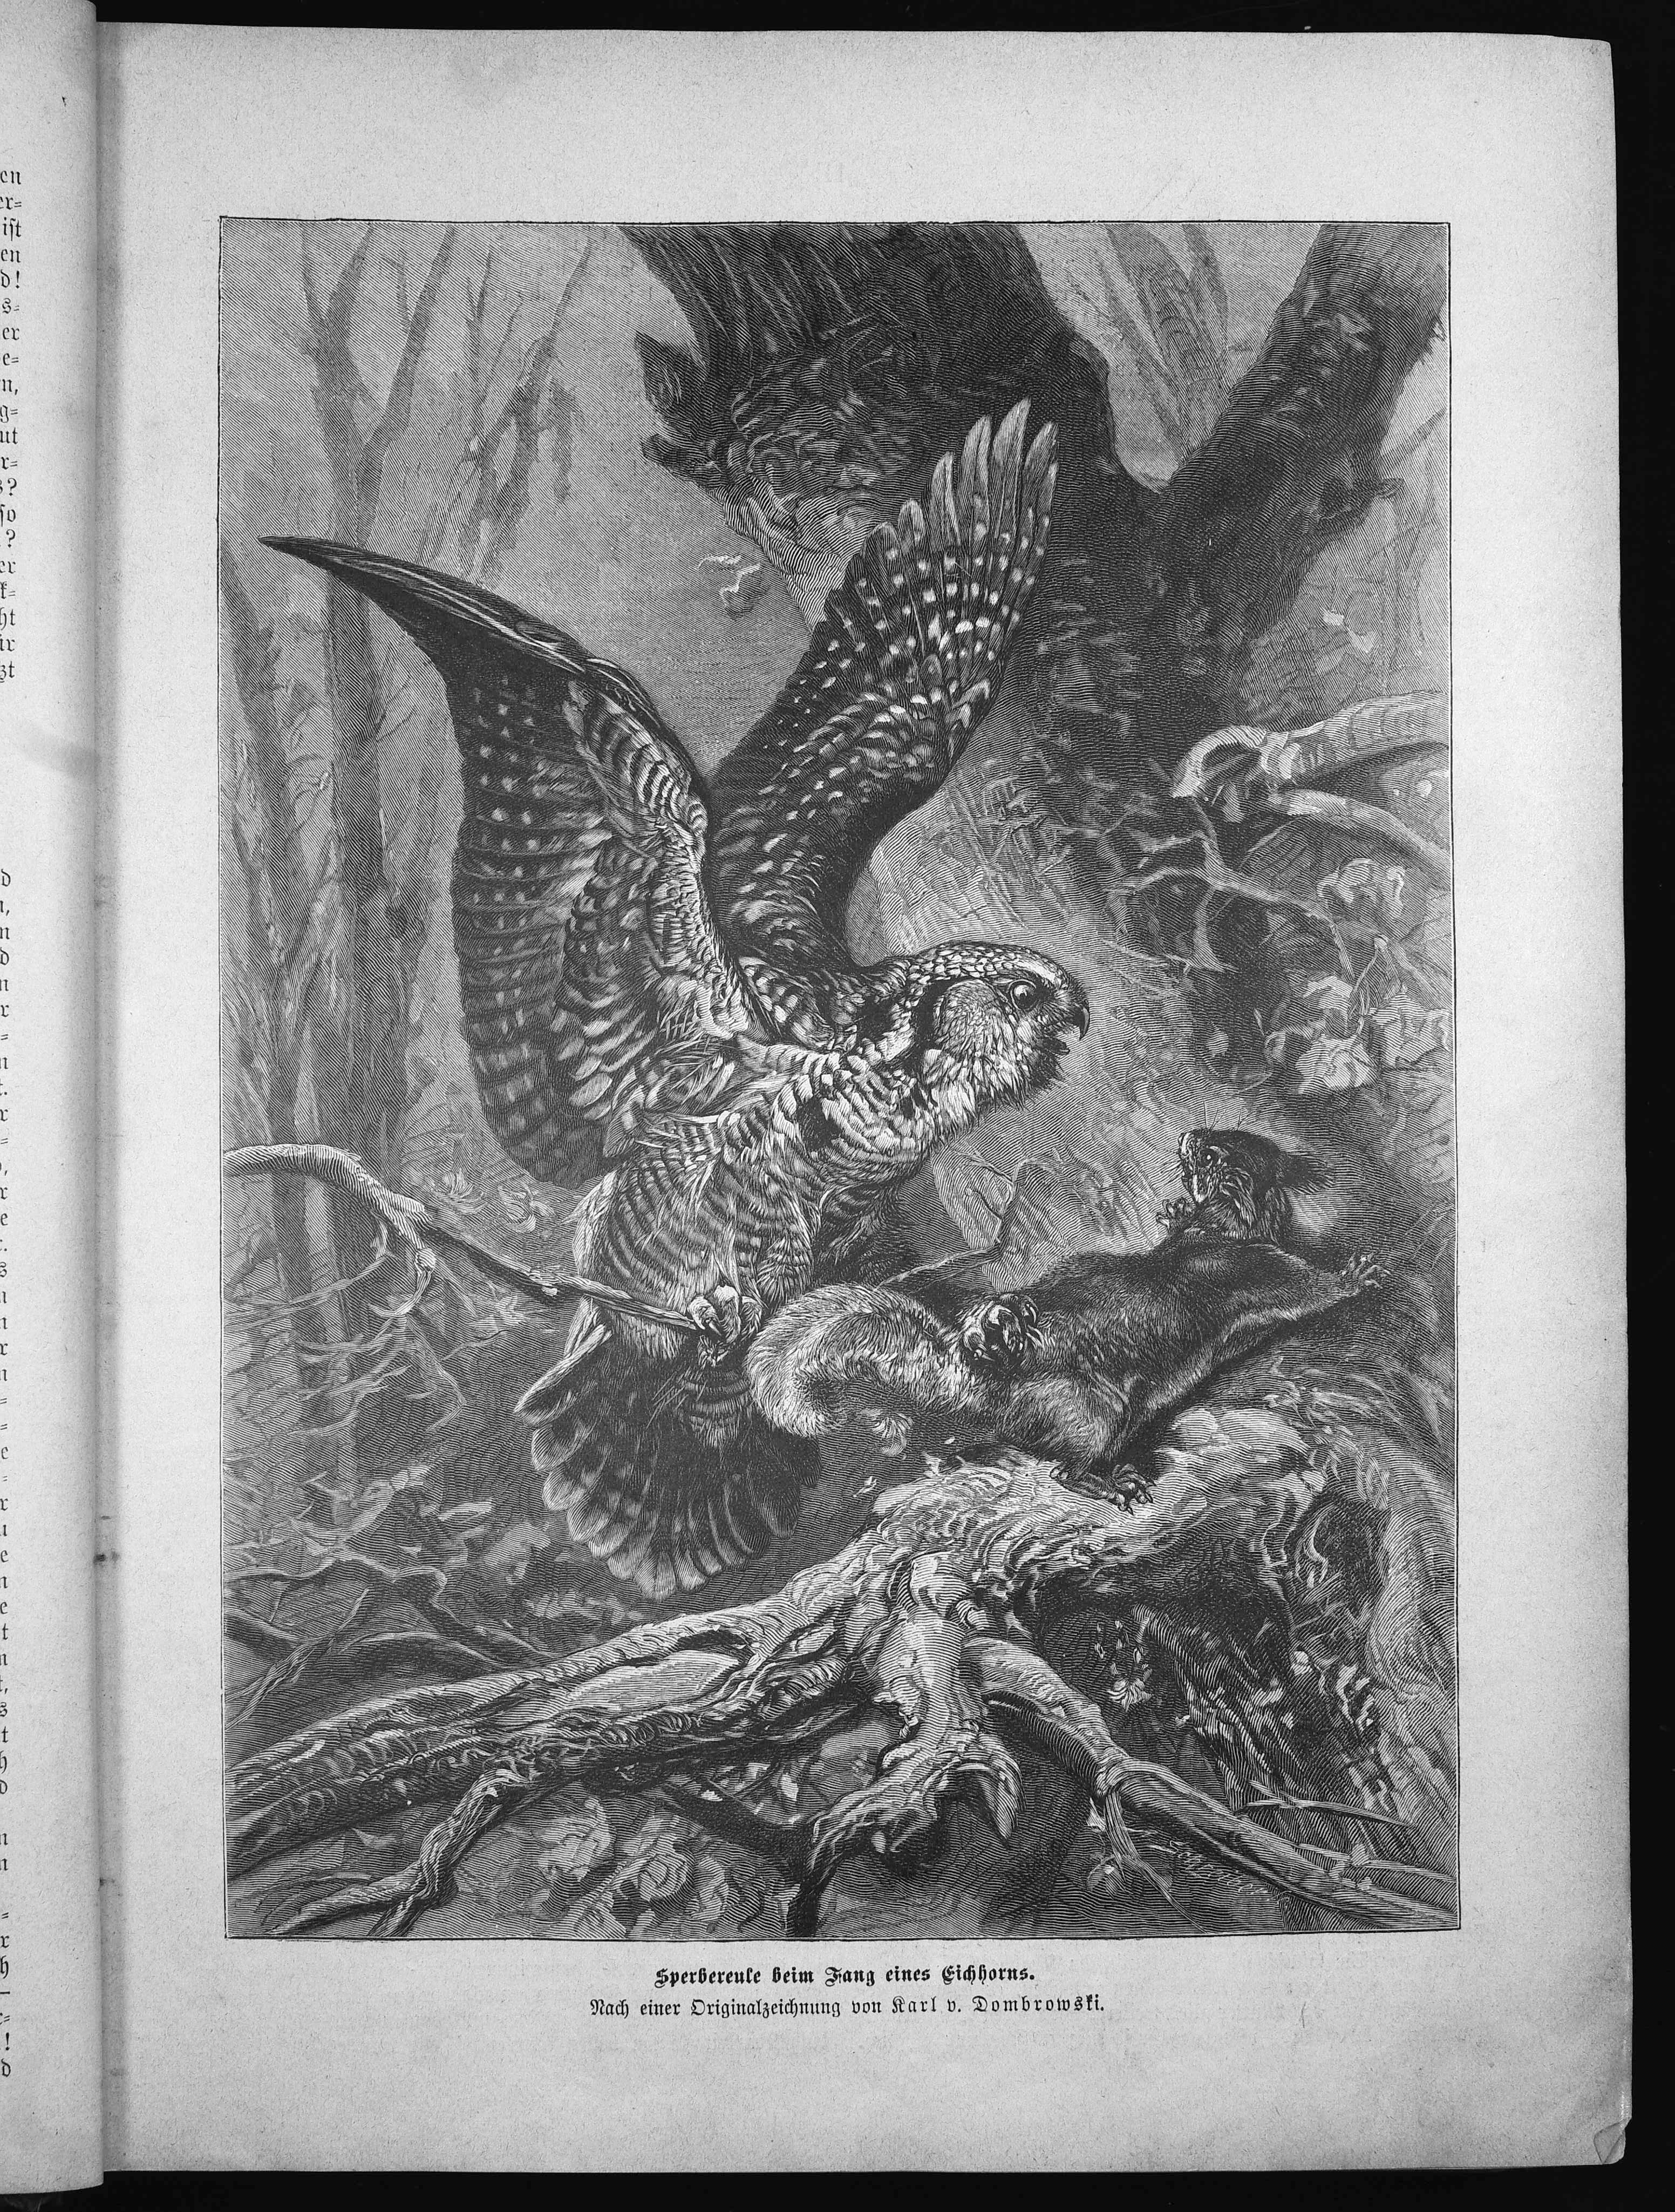Sperbereule beim Fang eines Eichhorns.
Nach einer Originalzeichnung von Karl v. Dombrowski.
